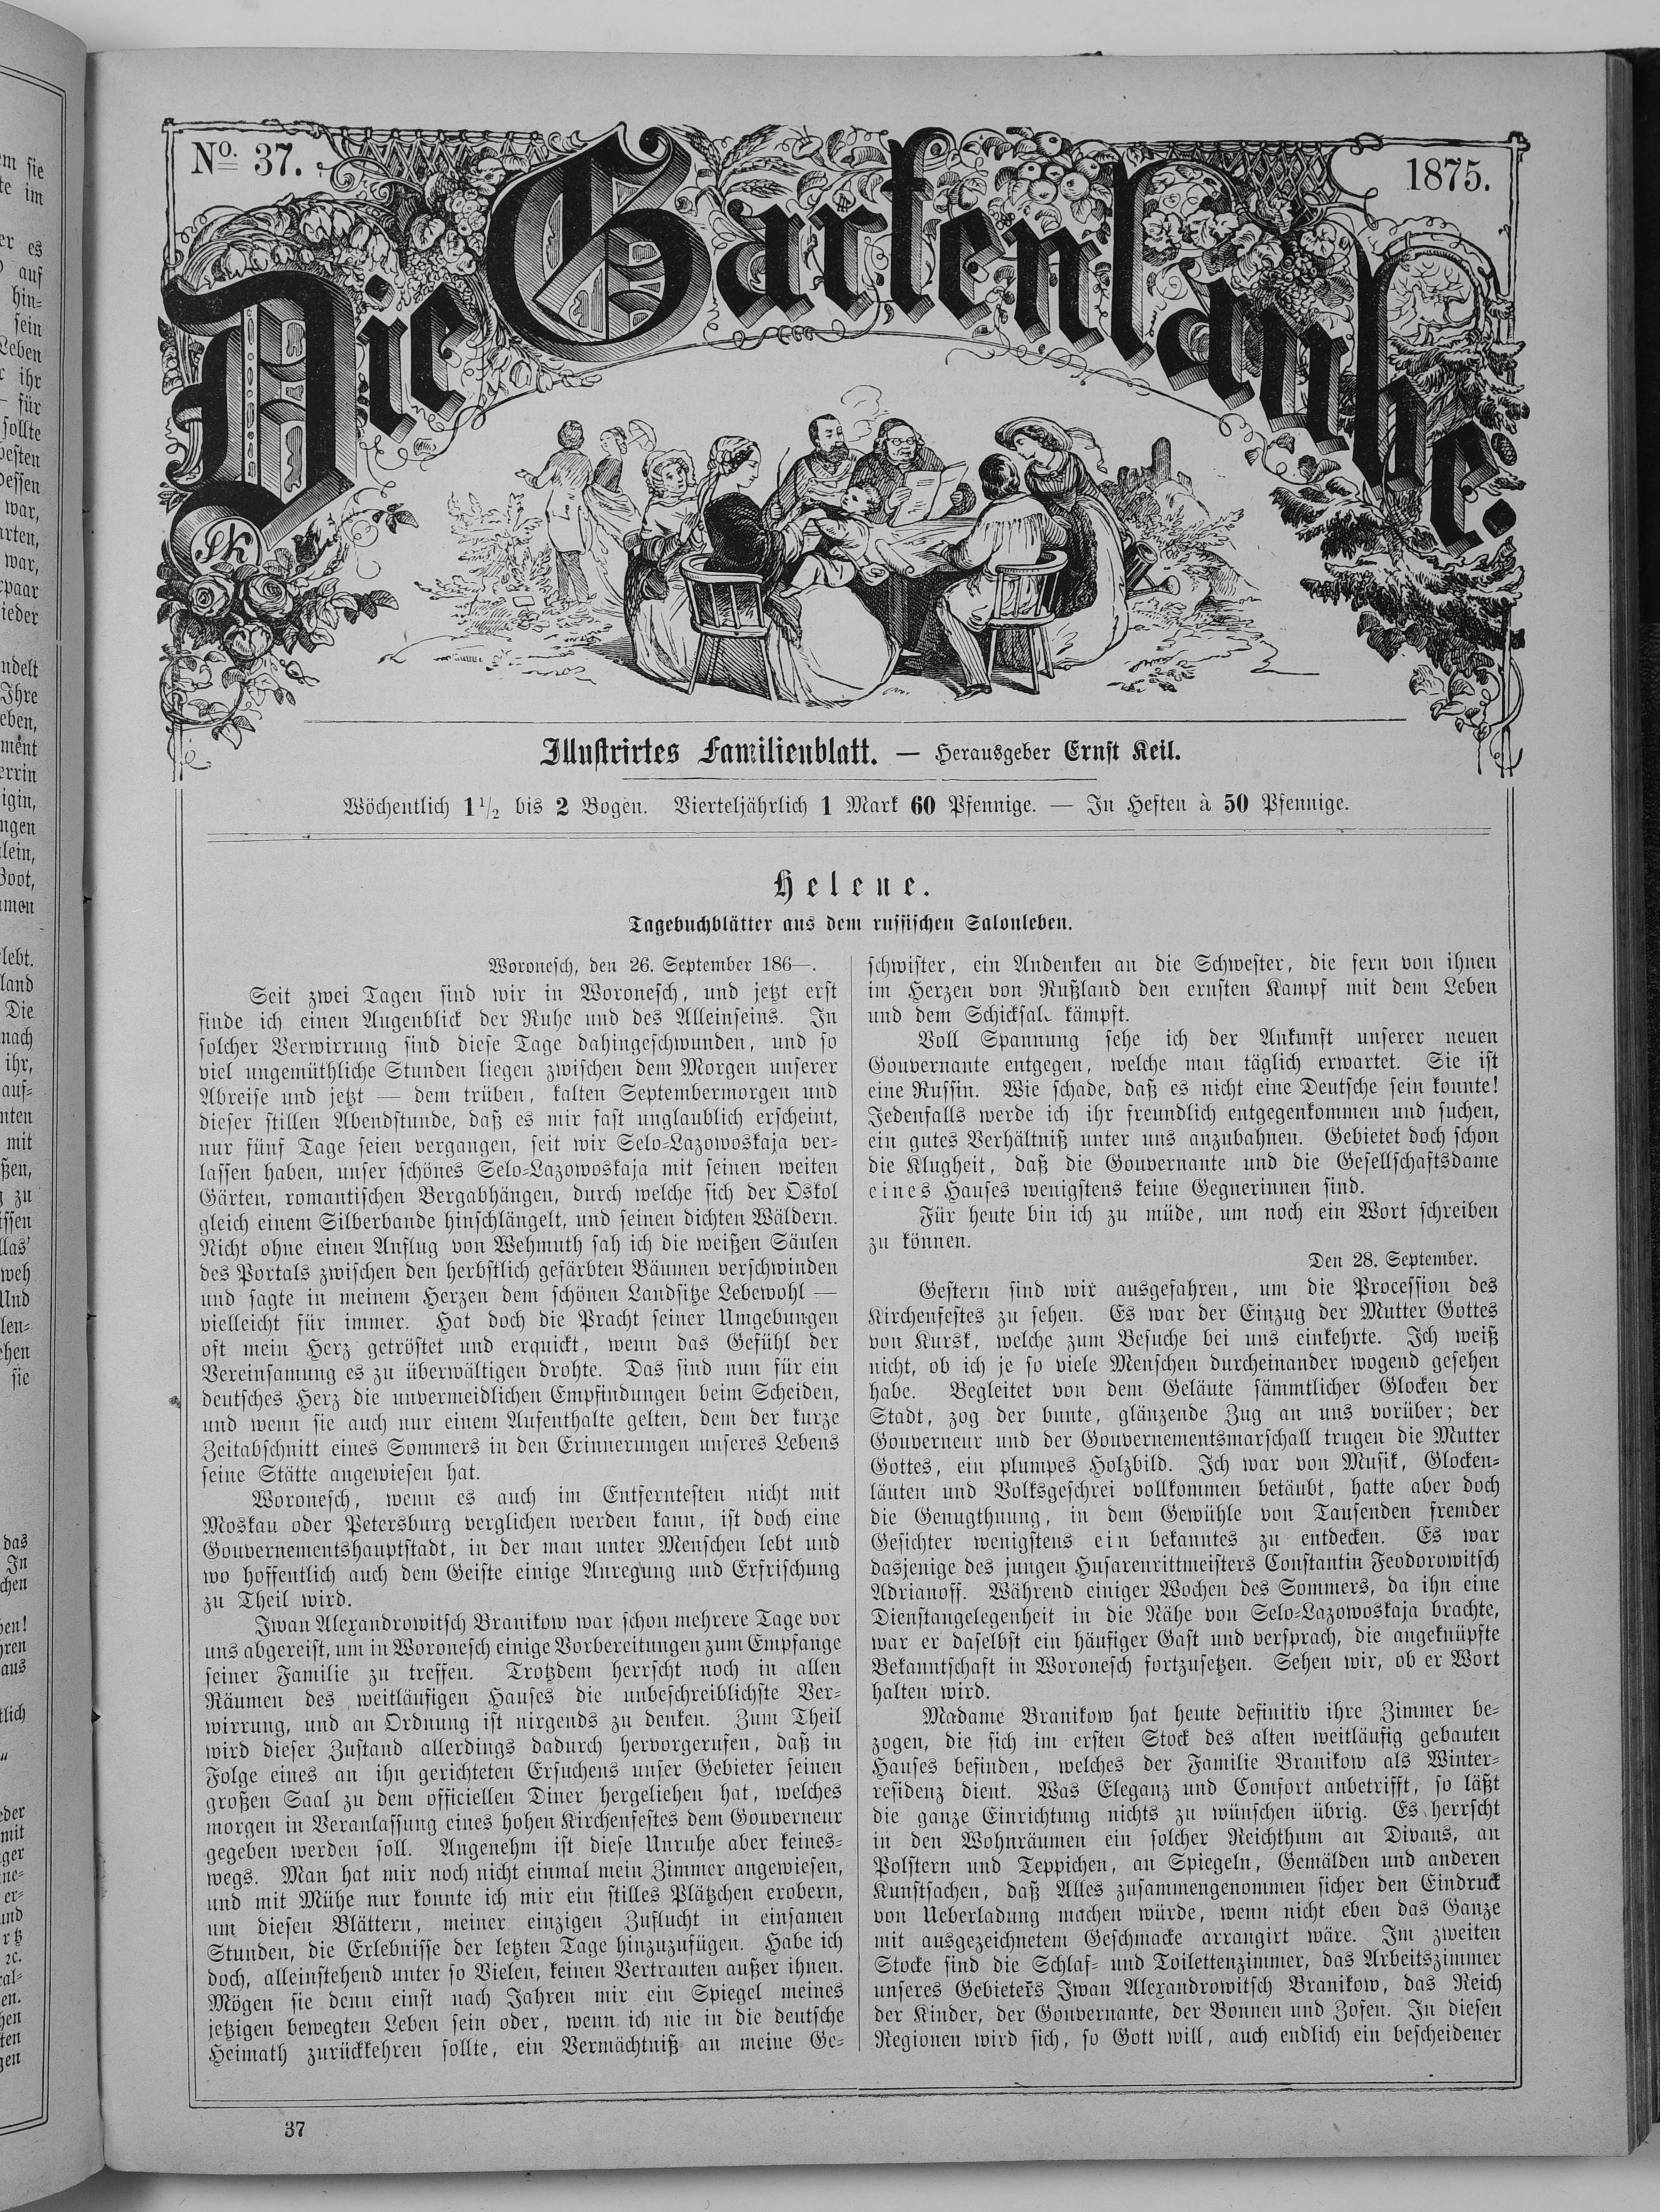Helene.
Tagebuchblätter aus dem russischen Salonleben.

Woronesch, den 26. September 186–.
Seit zwei Tagen sind wir in Woronesch, und jetzt erst finde ich einen Augenblick der Ruhe und des Alleinseins. In solcher Verwirrung sind diese Tage dahingeschwunden, und so viel ungemüthliche Stunden liegen zwischen dem Morgen unserer Abreise und jetzt – dem trüben, kalten Septembermorgen und dieser stillen Abendstunde, daß es mir fast unglaublich erscheint, nur fünf Tage seien vergangen, seit wir Selo-Lazowoskaja verlassen haben, unser schönes Selo-Lazowoskaja mit seinen weiten Gärten, romantischen Bergabhängen, durch welche sich der Oskol gleich einem Silberbande hinschlängelt, und seinen dichten Wäldern. Nicht ohne einen Anflug von Wehmuth sah ich die weißen Säulen des Portals zwischen den herbstlich gefärbten Bäumen verschwinden und sagte in meinem Herzen dem schönen Landsitze Lebewohl – vielleicht für immer. Hat doch die Pracht seiner Umgebungen oft mein Herz getröstet und erquickt, wenn das Gefühl der Vereinsamung es zu überwältigen drohte. Das sind nun für ein deutsches Herz die unvermeidlichen Empfindungen beim Scheiden, und wenn sie auch nur einem Aufenthalte gelten, dem der kurze Zeitabschnitt eines Sommers in den Erinnerungen unseres Lebens seine Stätte angewiesen hat.

Woronesch, wenn es auch im Entferntesten nicht mit Moskau oder Petersburg verglichen werden kann, ist doch eine Gouvernementshauptstadt, in der man unter Menschen lebt und wo hoffentlich auch dem Geiste einige Anregung und Erfrischung zu Theil wird.

Iwan Alexandrowitsch Branikow war schon mehrere Tage vor uns abgereist, um in Woronesch einige Vorbereitungen zum Empfange seiner Familie zu treffen. Trotzdem herrscht noch in allen Räumen des weitläufigen Hauses die unbeschreiblichste Verwirrung, und an Ordnung ist nirgends zu denken. Zum Theil wird dieser Zustand allerdings dadurch hervorgerufen, daß in Folge eines an ihn gerichteten Ersuchens unser Gebieter seinen großen Saal zu dem officiellen Diner hergeliehen hat, welches morgen in Veranlassung eines hohen Kirchenfestes dem Gouverneur gegeben werden soll. Angenehm ist diese Unruhe aber keineswegs. Man hat mir noch nicht einmal mein Zimmer angewiesen, und mit Mühe nur konnte ich mir ein stilles Plätzchen erobern, um diesen Blättern, meiner einzigen Zuflucht in einsamen Stunden, die Erlebnisse der letzten Tage hinzuzufügen. Habe ich doch, alleinstehend unter so Vielen, keinen Vertrauten außer ihnen. Mögen sie denn einst nach Jahren mir ein Spiegel meines jetzigen bewegten Leben sein oder, wenn ich nie in die deutsche Heimath zurückkehren sollte, ein Vermächtniß an meine Geschwister, ein Andenken an die Schwester, die fern von ihnen im Herzen von Rußland den ernsten Kampf mit dem Leben und dem Schicksale kämpft.

Voll Spannung sehe ich der Ankunft unserer neuen Gouvernante entgegen, welche man täglich erwartet. Sie ist eine Russin. Wie schade, daß es nicht eine Deutsche sein konnte! Jedenfalls werde ich ihr freundlich entgegenkommen und suchen, ein gutes Verhältniß unter uns anzubahnen. Gebietet doch schon die Klugheit, daß die Gouvernante und die Gesellschaftsdame eines Hauses wenigstens keine Gegnerinnen sind.

Für heute bin ich zu müde, um noch ein Wort schreiben zu können.

Den 28. September.
Gestern sind wir ausgefahren, um die Procession des Kirchenfestes zu sehen. Es war der Einzug der Mutter Gottes von Kursk, welche zum Besuche bei uns einkehrte. Ich weiß nicht, ob ich je so viele Menschen durcheinander wogend gesehen habe. Begleitet von dem Geläute sämmtlicher Glocken der Stadt, zog der bunte, glänzende Zug an uns vorüber; der Gouverneur und der Gouvernementsmarschall trugen die Mutter Gottes, ein plumpes Holzbild. Ich war von Musik, Glockenläuten und Volksgeschrei vollkommen betäubt, hatte aber doch die Genugthuung, in dem Gewühle von Tausenden fremder Gesichter wenigstens ein bekanntes zu entdecken. Es war dasjenige des jungen Husarenrittmeisters Constantin Feodorowitsch Adrianoff. Während einiger Wochen des Sommers, da ihn eine Dienstangelegenheit in die Nähe von Selo-Lazowoskaja brachte, war er daselbst ein häufiger Gast und versprach, die angeknüpfte Bekanntschaft in Woronesch fortzusetzen. Sehen wir, ob er Wort halten wird.

Madame Branikow hat heute definitiv ihre Zimmer bezogen, die sich im ersten Stock des alten weitläufig gebauten Hauses befinden, welches der Familie Branikow als Winterresidenz dient. Was Eleganz und Comfort anbetrifft, so läßt die ganze Einrichtung nichts zu wünschen übrig. Es herrscht in den Wohnräumen ein solcher Reichthum an Divans, an Polstern und Teppichen, an Spiegeln, Gemälden und anderen Kunstsachen, daß Alles zusammengenommen sicher den Eindruck von Ueberladung machen würde, wenn nicht eben das Ganze mit ausgezeichnetem Geschmacke arrangirt wäre. Im zweiten Stocke sind die Schlaf- und Toilettenzimmer, das Arbeitszimmer unseres Gebieters Iwan Alexandrowitsch Branikow, das Reich der Kinder, der Gouvernante, der Bonnen und Zofen. In diesen Regionen wird sich, so Gott will, auch endlich ein bescheidener
